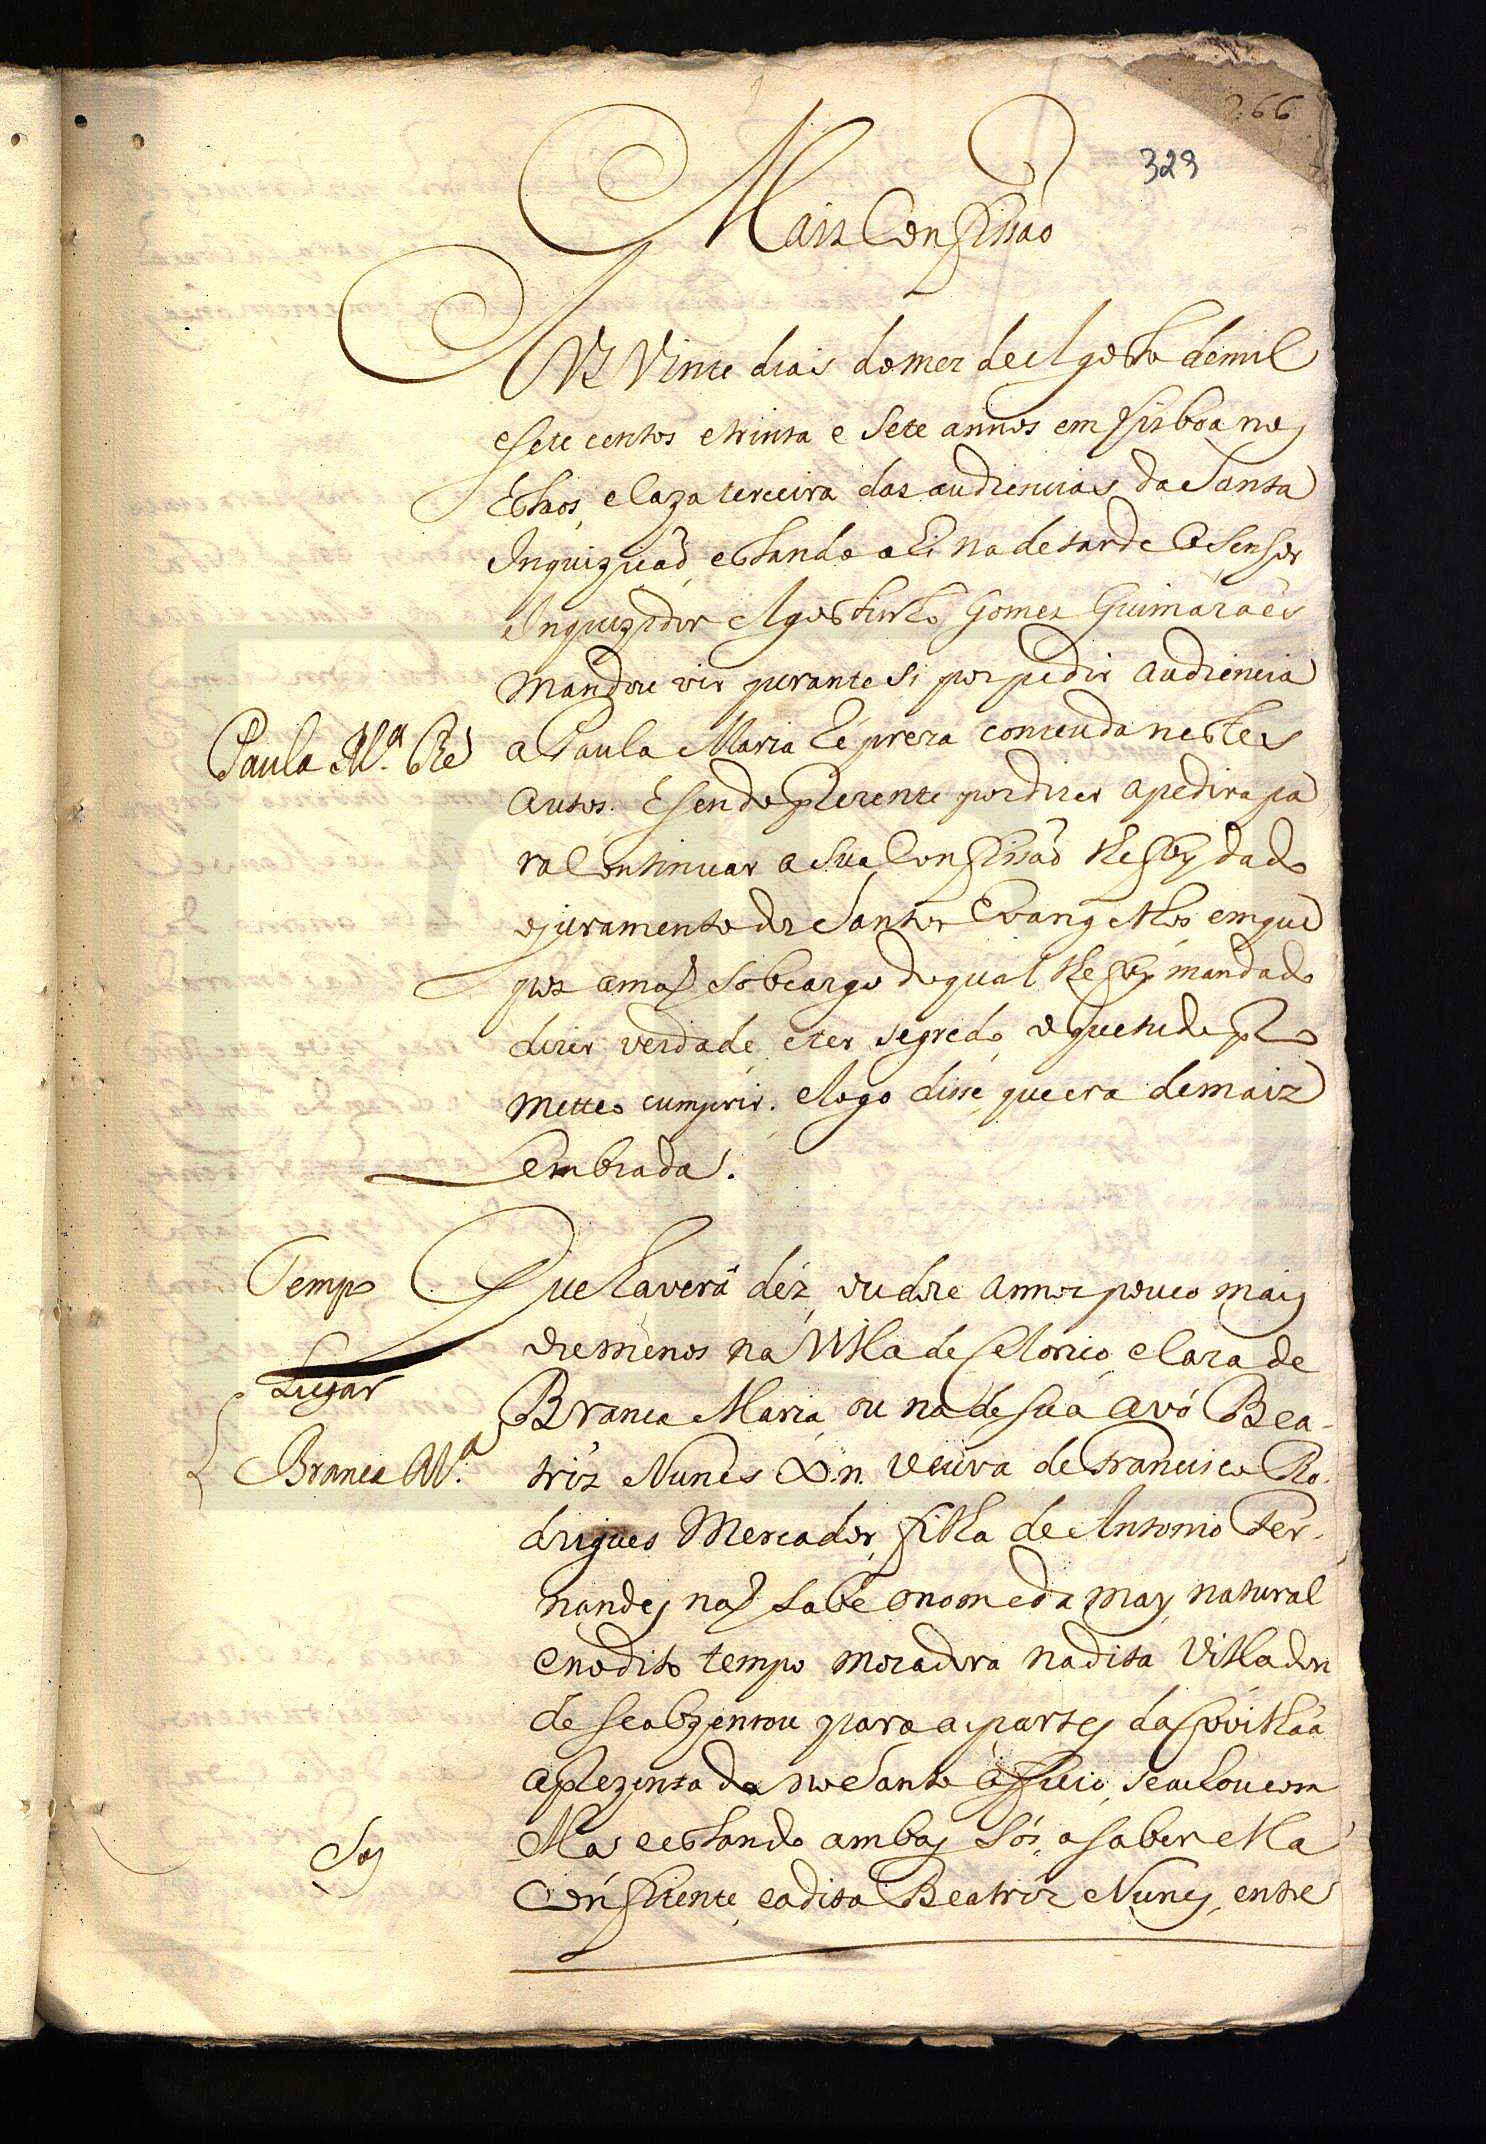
266
Maiz Confissão
Aoz Vinte dias do mez de Agosto de mil
e setecentos e trinta e sete annos em Lisboa nos
Estaos, e Caza terceira das audiencias da Santa
Inquiziçaõ, estando ahi na de tarde O Senhor
Inquizidor Agostinho Gomez Guimaraẽs
mandou vir perante si por pedir audiencia
a Paula Maria Ré preza conteuda nestes
Paula M.a Re
autos. E sendo pRezente por dizer a pedira pa
ra continuar a sua Confissaõ lhe foy dado
o juramento dos Santos Evangelhos, em que
pos a maõ sob cargo do qual lhe foy mandado
dizer verdade, e ter segredo, o que tudo pRo
metteo cumprir. e logo disse, que era demaiz
Lembrada.
Tempo
Que haverá dez, ou doze annos pouco mais
ou menos na Villa de Celorico, e Caza de
Lugar
Branca Maria, ou na de sua avó Bea
triz Nunes x. n. veuva de Francisco Ro
Branca M.a
drigues Mercador, filha de Antonio Fer
nandes naõ sabe o nome da may, natural
e no dito tempo moradora na dita Villa don
de se abzentou para as partes da Covilhaã
apRezentada ao Santo officio, se achou com
ella e estando ambas sós, a saber ella
Sos
Confitente, e a dita Beatriz Nunes, entre
